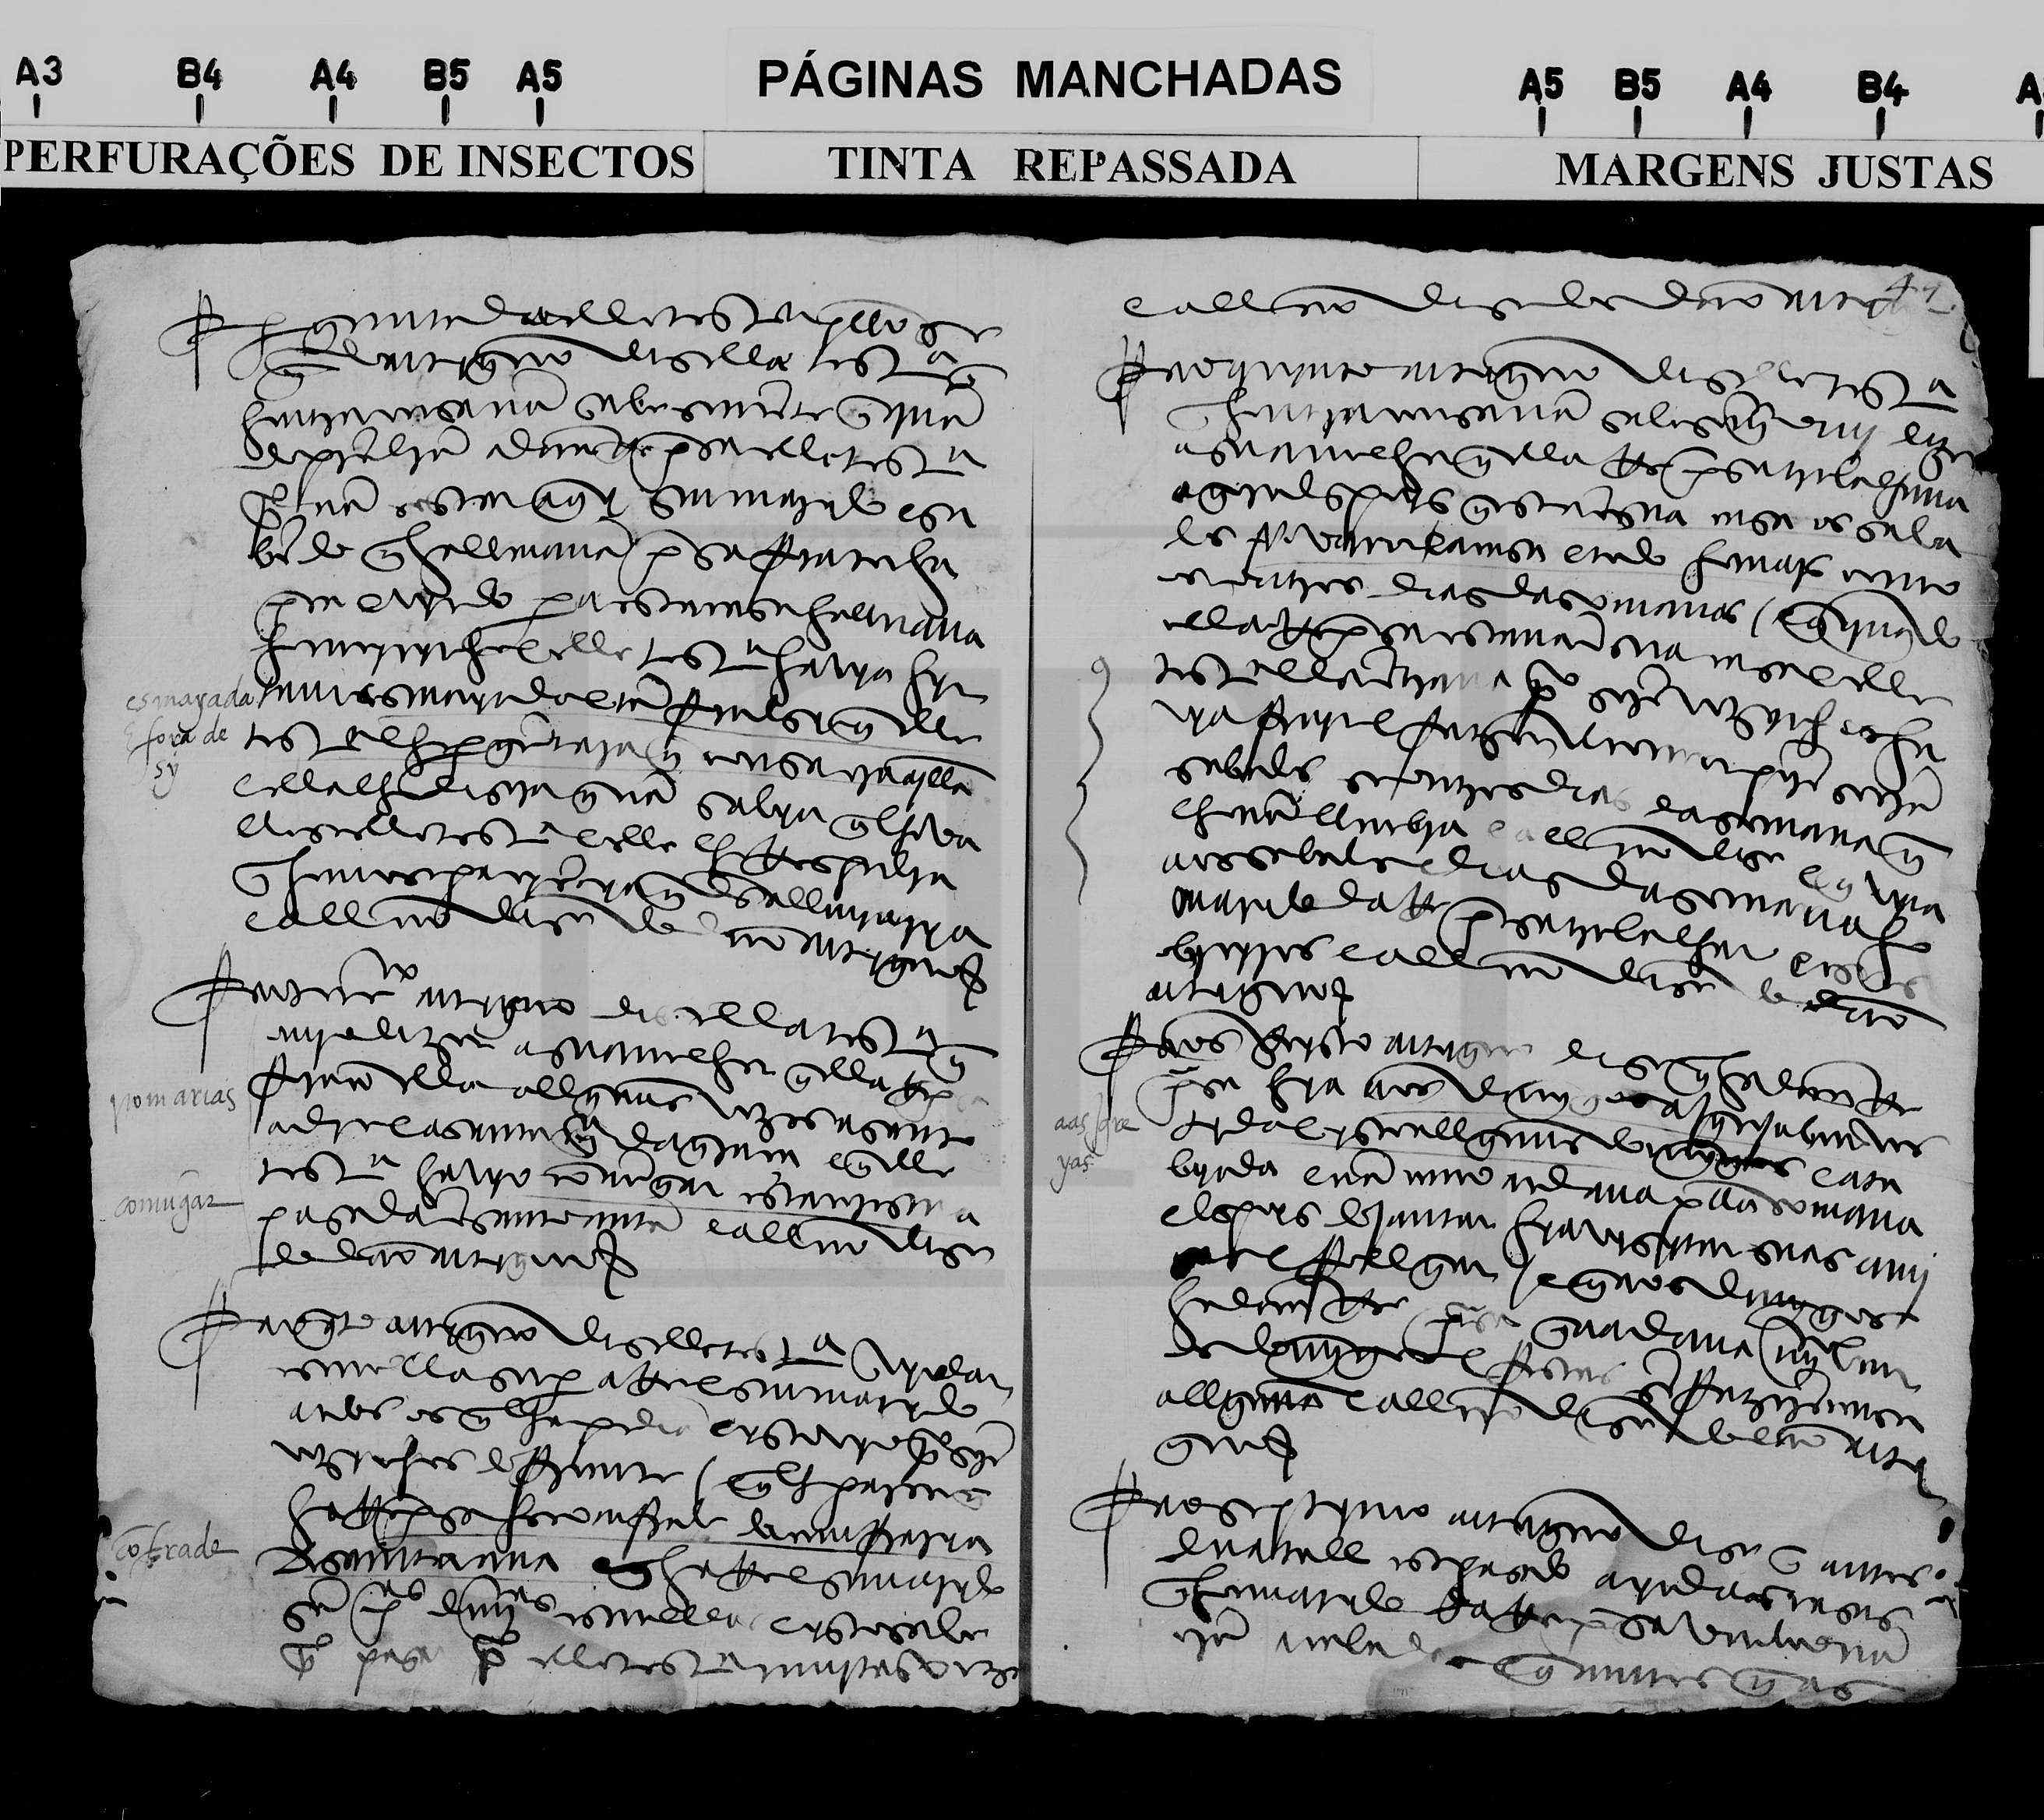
esmayada
E fora de
sy
item ꝑguntado elle testa p̄llo se
ḡdo artyguo dis ella testa q̄
houtra cousa nā sabe somēte q̄ quā
do prēderā a dita Re p̄sa elle testa
p̄o nā sestar aq̄y seu marydo e sa
bēdo q̄ ha lleuauā p̄sa fora ter ha
p̄ca e vyndo ꝑa esta casa ha lleuaua
ho meyrynho e elle testa ha vya hyr
tam esmayada e tā fora de sy q̄ elle
testa lhe ꝑgūtara q̄ cousa era aq̄lla
e ella lhe disera q̄ nā sabya q̄ lhe va
llese elle testa e elle lhe Respondera
q̄ houuese pacyēcya q̄ d̄s a lliurarya
e all n̄o dise do dito artyguo
item ao tercro artyguo dis ella testa q̄
ouujo dizer a sua molher q̄ ella Re p̄sa
fora c̄o ella allguās vezes a santo
adre e a santa mra da graça e q̄ elle
testa ha vyo c̄omūgar esta coresma
pasada ē santo antā e all n̄o dise
do dito artyguo
item ao q̄to artyguo dis elle testa q̄ vyra dar
esmolla senꝑ a Ree e seu marydo
a todos os q̄ lha pediā e ysto vyo p̄o serē
vezynhos de fremte / e q̄ lhe parece q̄
ha Re p̄sa he comfrade da comfrarya
c̄ofrade
De samtanna e q̄ ha Re e seu marydo
sā pas de mtas esmollas e ysto sabe
p̄o pasar p̄o elle testa mujtas veze
rromarias
comuḡar
aas Jgre
yas
e all n̄o dise dos ditos artyguos
item ao quynto artyguo dis elle testa
q̄ houtra cousa nā sabe somte ouuj dizer
a sua molher q̄ ella Re p̄sa trabalhaua
agora despoys q̄ esta ē sua casa os saba
dos .ss. varrer e a casa e todo ho majs como
os outros dias da somanas / e q̄ quādo
ella Re p̄sa estaua ē sua casa e elle
ꝯ
testa lla ētraua p̄o serē vezinhos ha
vya ꞩujr e fazer de comer porē se erā
sabados se outros dias da somana q̄
lhe nā llenbra e all nō dise e q̄ vyra
aos sabados e dias da somana ho
marydo da Re p̄sa trabalhar e eseus
obreyros e all nō dise do dito
artyguo
item aos seysto artyguo dise q̄ ha dita Re
p̄sa hya aos domȳgos a Jgreja bem ves
tyda e ysto allguūs domȳgos e ata
byada e nā como andaua p̄lla somana
e despoys do jantar hya vysytar suas amj
gas e follgar / e q̄ aos domȳgos
ha dita Ree p̄sa guardaua mto bem
os domȳgos e festas sē fazerē cousa
allguūa e all n̄o dise do dito arty
guo
item ao septymo artyguo dise q̄ antes
do natall este pasado aynda as casas
q̄ ho marydo da Re p̄sa vendera nā
erā acabadas e q̄ amtes q̄ as
